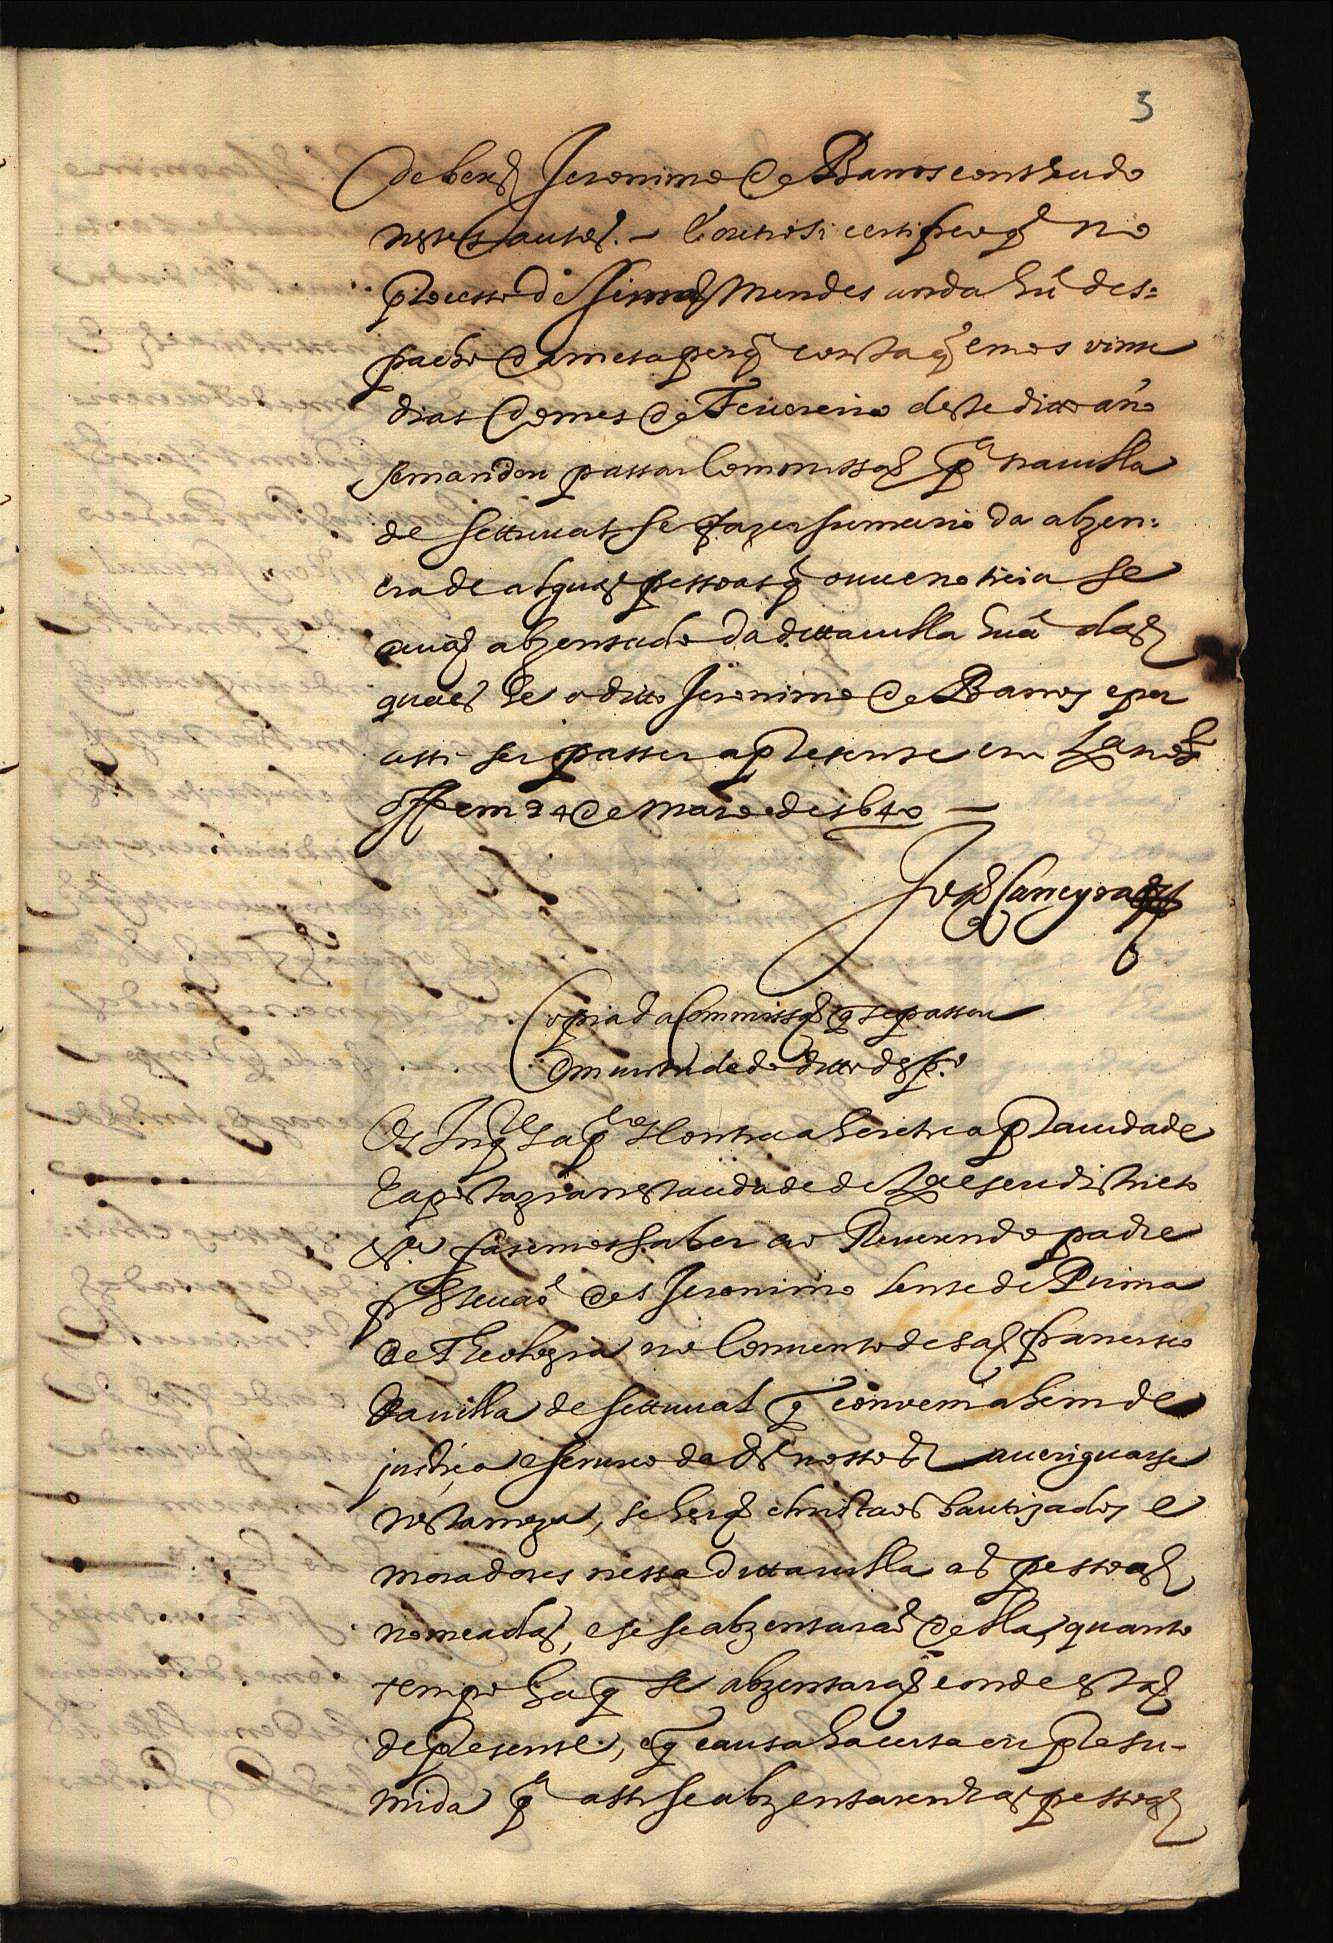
de bens Jeronimo de Barros contheudo
nestes autos. - E outrosi certifico q̄ no
processo de Simaõ Mendes anda hū des
pacho da mesa perq̄ consta q̄ em os vinte
dias do mes de Feuereiro deste ditto an̄o
se mandou passar Commissaõ p̄a na uilla
de Settuual se fazer sumario da alzen
era de alguas pessoas q̄ ouue noticia se
auiaõ abzentado da ditta uilla huā das
quaes he o ditto Jeronimo de Barros e por
assi ser passer a presente em Lxa no s.to
offo em 24 de maio de 1640.
Joaõ Carreyra
Copia da Commissaõ q̄ se passou
em uirtude do ditto desp.o
Os Inqres ap.cos contra a heretica prauidade
E apostazia nesta cidade de Lx e seu districto
lhe fazemos saber ao Reuerendo padre
fr steuaõ de s Jeronimo lente de Prima
de Theologia no Conuento de saõ francisco
da uilla de settuual q̄ convem a bem de
justiça e seruiço de Se nosso sor aueriguarse
nesta meza, se heraõ christaõs bautizados e
moradores nessa ditta uilla as pessoas
nomeadas, e se se abzentaraõ della, quanto
tempo ha q̄ se abzentaraõ e onde estaõ
de presente, e q̄ causa ha certa ou presu
mida p̄a assi se abzentaren E q̄ pessoas
